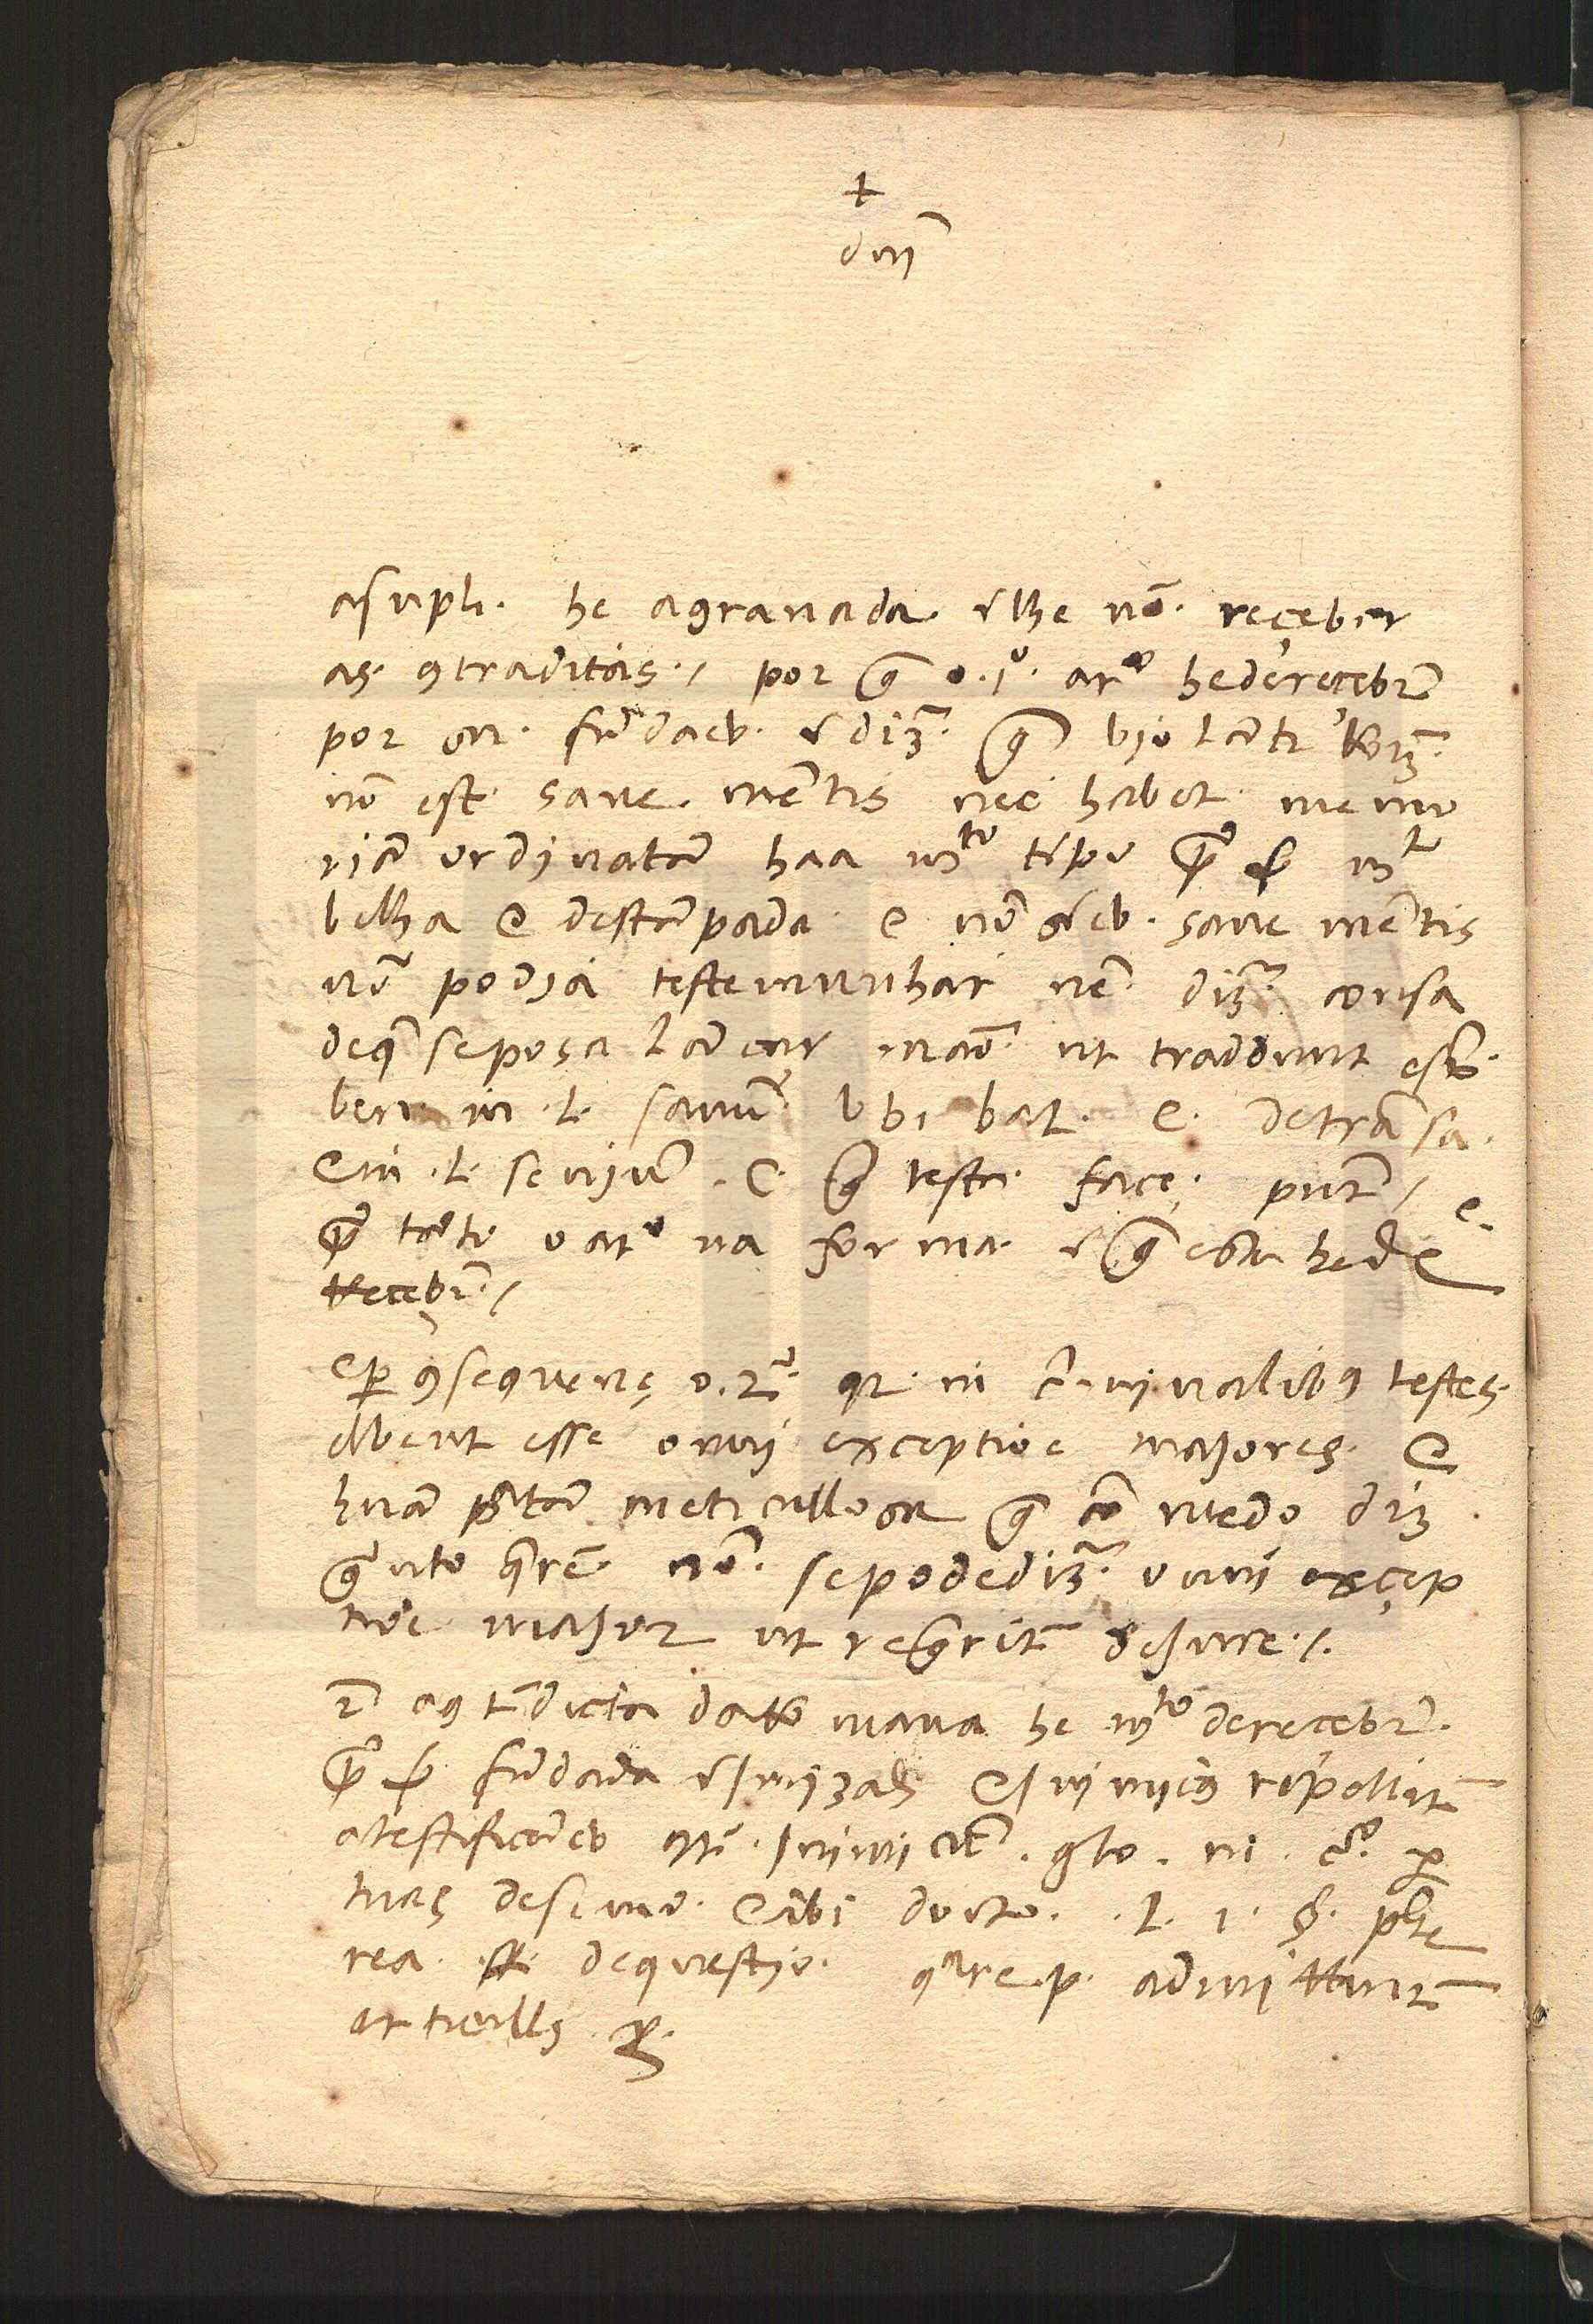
sor̄
a supli. he agrauada ē lhe nō. reçeber
as. ꝯtraditas ./ por q̄ o .1o. aro he de reçebr̄
por ser. fūdado. ē diz̄ q̄ vjolāte Roiz̄
nō est. sane mētis nec habet memo
riā ordjnatā haa mto tēpo p̄o ꞩ mto
velha e destāpada e nō sēdo. sane mētis
nō podja testemunhar nē. diz̄. cousa
de q̄ se posa lāçar maõ ut traddimt esp̄
vere in .L. sann̄ vbi bal. e detrāsa
e in .L. se ujū, C. q̄ teste face. put̄ / e
p̄otāto o aro na forma ē q̄ esta he de
Reçebr̄. /
e ꝑ ꝯsequenç o .2o. ꝯr in cimjnalibꝯ testes.
debent esse onorj exceptioe majores. e
huā pa tā meticullosa q̄ c̄o medo diz.
q̄nto q̄rē. nō. se pode diz̄. omnj exçep
tioe major ut req̄rit̄ de Jure ./.
item a ꝯt̄dicta da Romana he mto de reçebr̄.
p̄o ꞩ fūdada ē Jmjzadj e jnjmjcꝯ repellat̄
a testificādo ꝯt̄. Jnjmjcū. glo. ni. co. ꝑ
tuas desimo. e ibi docto. .L. i. §. p̄te
rea. .sꝑe de questjo. ꝯare. p. admjttant
articullj
